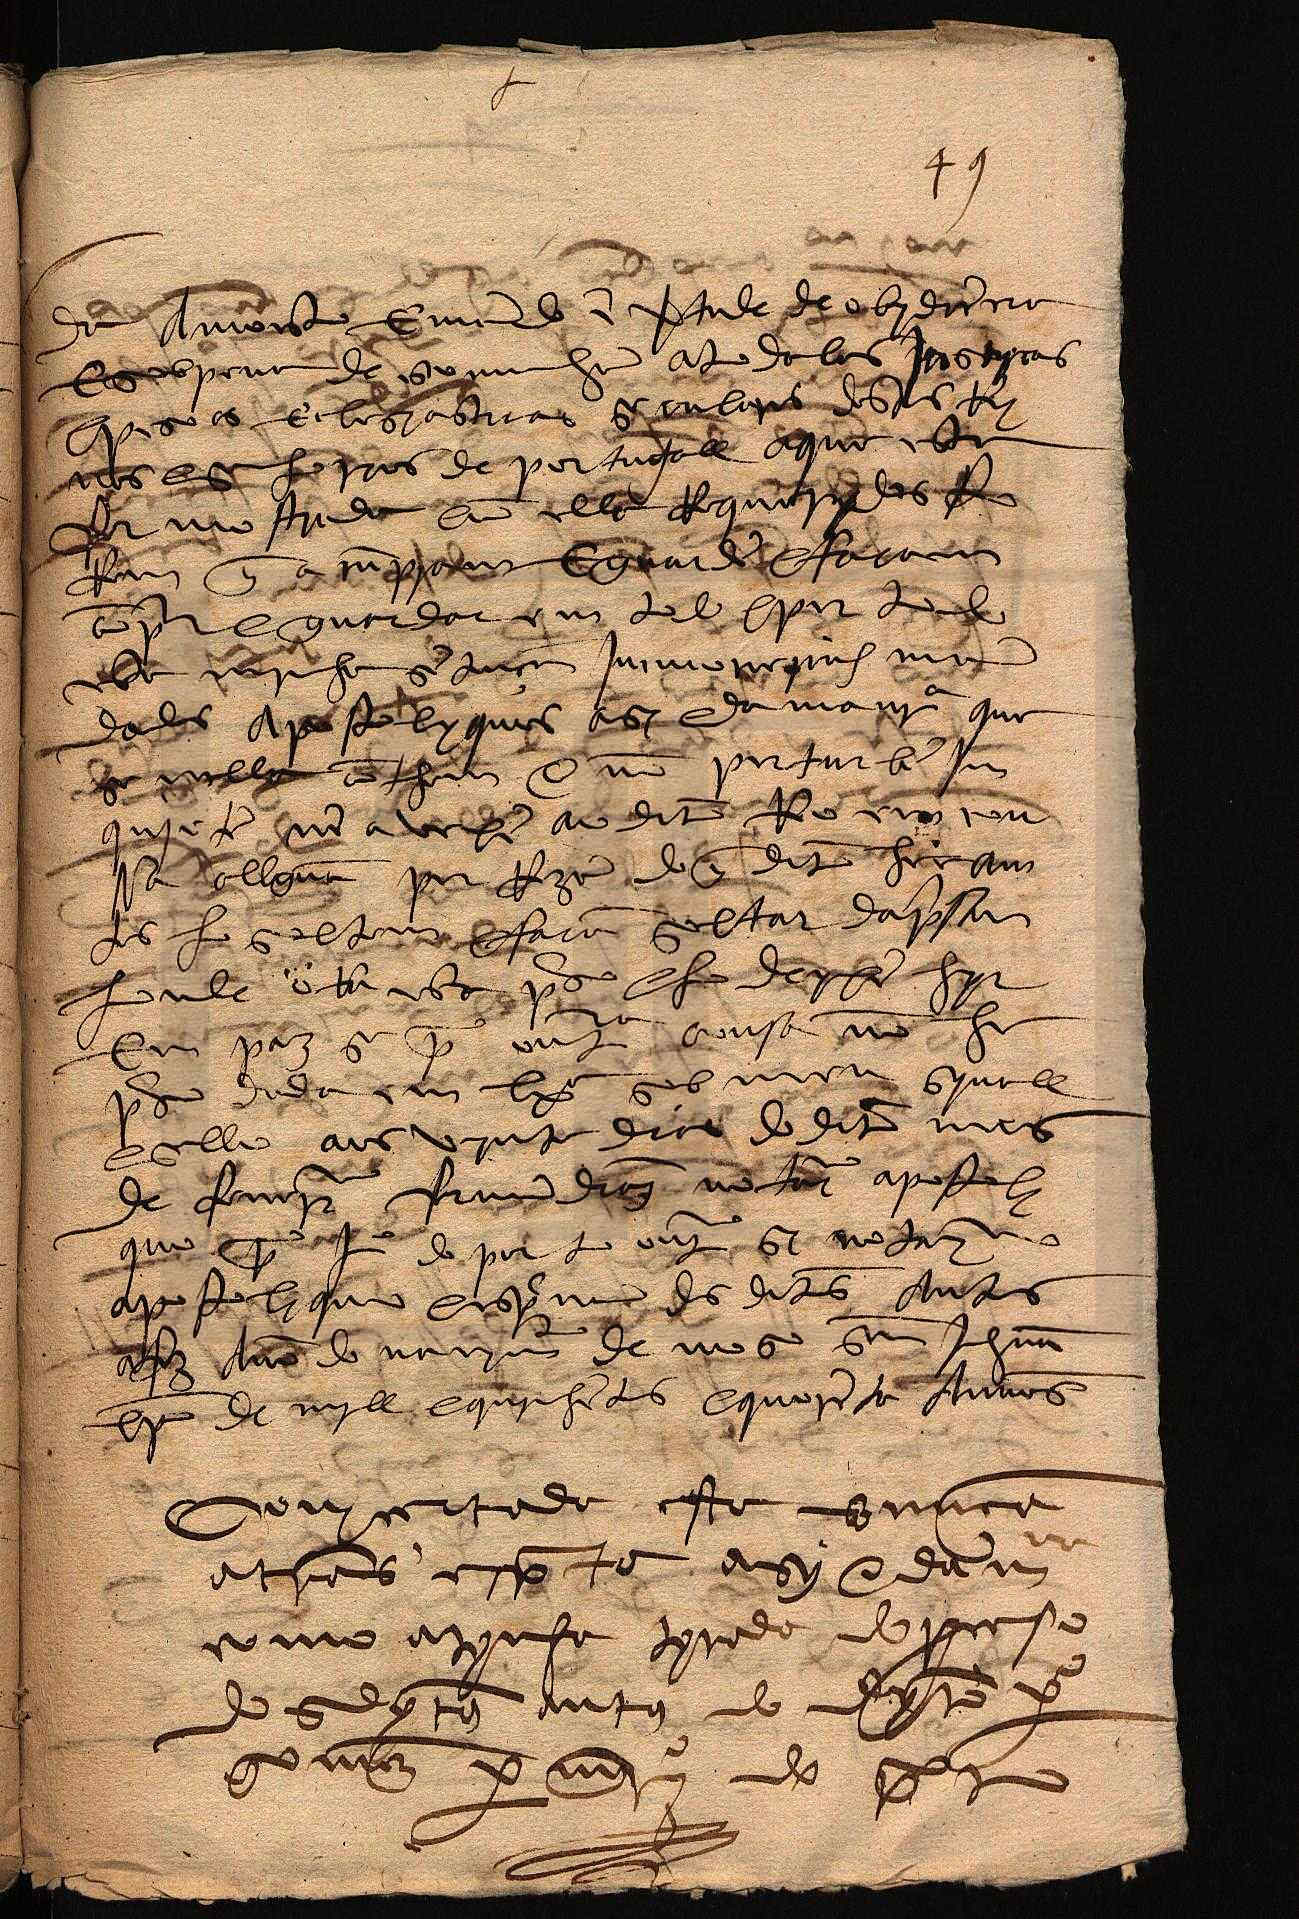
49
da Amoesto E mādo ē ꝟtude de obydiēcia
E sob pena de escomunhā a todalas Justyças
e pesoas Eclesiasticas seculares destes Rey
nos e senhoryos de portugall a que esta
for mostrada e cō ella Requerydos fo
Rem q̄ a c̄upram E guardē e façam
c̄op̄r e guardar em todo e per todo
esta mjnha sētença Jmmouerius mā
dados Apostolyquos asy e da manra que
se nella c̄othem e n̄o perturbē Jm
qujetē nē avexē ao dito Reo em cou
ssa allgūa per Rezā do q̄ dito he am
tes ho soltem e façā soltar da p̄isam
honde oRa esta p̄so e ho deyxē hyr
Em paz se p̄o outra cousa nō he
p̄so dada em lxa sob meu synall
e sello aos vynte dias do dito mes
de feuerro fernā diaz notayro apostoly
quo p̄or Jo do porto outrosy notayro
apostolyquo e esp̄uā dos dito Autos
a fez An̄o do nacymto de noso s̄or Jhūu
xp̄o de mjll e qujnhētos e quorēta Annos
Comcertada esta sennç̄a
atras esp̄ta asy e da mra
como a tynha tyrada do ꝓceso
dos dytꝯ autꝯ do dyto ꝑo
gomez ꝑ mj̄ yo do p̄oto
